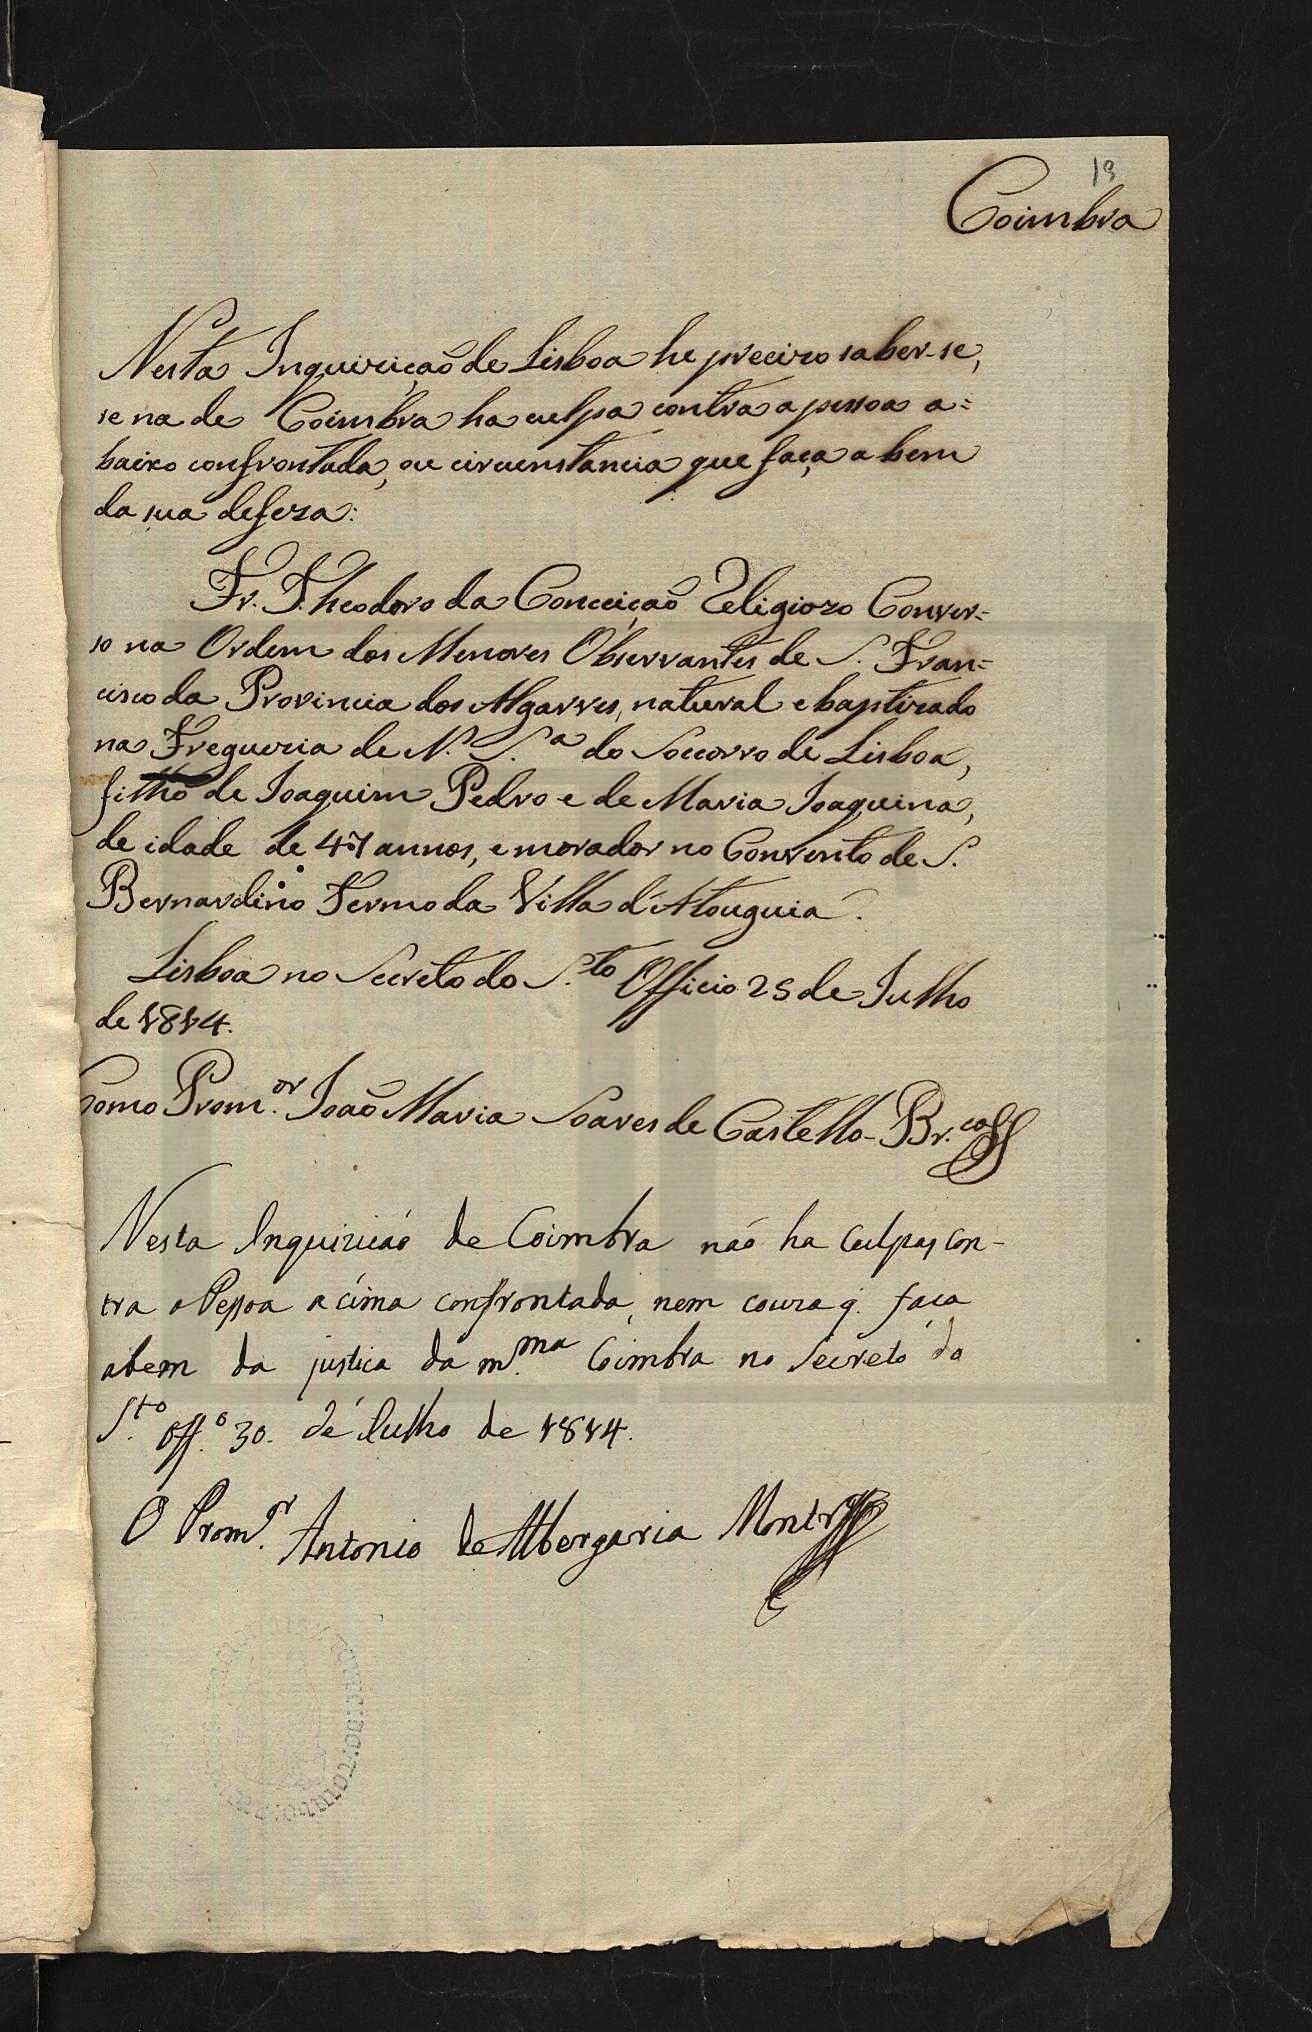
Coimbra
Nesta Inquiziçaõ de Lisboa he precizo saber-se,
se na de Coimbra ha culpa contra a pessoa a
baixo confrontada, ou circunstancia que faça a bem
da sua defeza:
Fr. Theodoro da Conceiçaõ Religiozo Conver
so na Ordem dos Menores Observantes de S. Fran
cisco da Provincia dos Algarves, natural e baptizado
na Freguezia de N. S.a do Soccorro de Lisboa,
filho de Ioaquim Pedro e de Maria Ioaquina,
de idade de 47 annos, e morador no Convento de S.
Bernardino Termo da Villa d'Atouguia.
Lisboa no Secreto do S.to Officio 25 de Iulho
de 1814.
Como Prom.or Ioaõ Maria Soares de Castello-Br.co
Nesta Inquiziçaõ de Coimbra naõ ha culpas con
tra a Pessoa acima confrontada, nem couza q̄ faça
a bem da justiça da m.ma Coimbra no Secreto da
s.to off.o 30. de Iulho de 1814.
O Prom.or Antonio de Abergaria Montro
